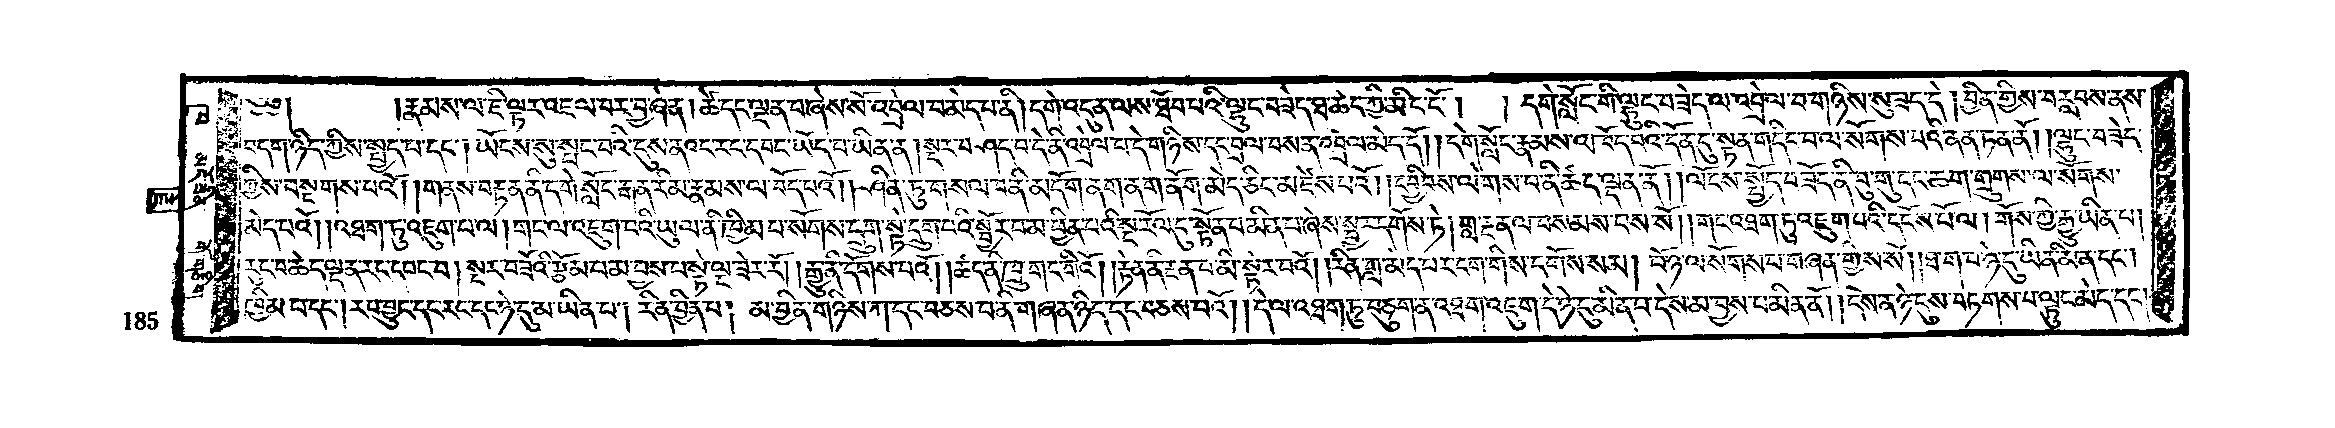༄༅། །རྣམས་ལ་ཇི་ལྟར་འཇལ་བར་བྱ་ཞེ་ན། ཚེ་དང་ལྡན་པ་ཞེས་སོ་འབྲེལ་བ་མེད་པ་ནི། དགེ་འདུན་ལས་ཐོབ་པའི་ལྷུང་བཟེད་ཐ་ཆེད་ཀྱི་མིང་ངོ། །དགེ་སློང་གི་ལྷུང་བཟེད་ལ་འབྲེལ་བ་གཉིས་སུ་ཟད་དེ། བྱིན་གྱིས་བརླབས་ནས་
བདག་ཉིད་ཀྱིས་སྤྱད་པ་དང་། ཡོངས་སུ་སྤང་བའི་དུས་ནའང་རང་དབང་ཡོད་པ་ཡིན་ན། སྔར་བཤད་པ་དེ་ནི་འབྲེལ་བ་དེ་གཉིས་དང་བྲལ་བས་ན་འབྲེལ་མེད་དོ། །དགེ་སློང་རྣམས་འཁོད་པའི་དོན་དུ་སྟན་གདིང་བ་ལ་སོགས་པའི་ནན་ཏན་ནོ། །ལྷུང་བཟེད་
ཀྱིས་བསྔགས་པའོ། །གནས་བརྟན་ནི་དགེ་སློང་རྒན་རིམ་རྣམས་ལ་བོད་པའོ། །ཤིན་ཏུ་གསལ་བ་ནི་མདོག་ནག་ནག་ནོག་མེད་ཅིང་མཛེས་པའོ། །དབྱིབས་ལེགས་པ་ནི་ཚད་ལྡན་ནོ། །ལོངས་སྤྱོད་བཟོད་ནི་བུ་གུ་དང་ཆག་གྲུགས་ལ་སོགས་
མེད་པའོ། །འཐག་ཏུ་འཇུག་པ་ལ། གང་ལ་འཇུག་པའི་ཡུལ་ནི་ཁྱིམ་པ་སོགས་དྲུག་སྟེ་དྲུག་པའི་སྦྱོར་བ་མ་ཕྱིན་པའི་སྔ་རོལ་དུ་སྟོན་པ་མིན་པ་ཞེས་སྦྱར་དགོས་ཏེ། གླ་རྔན་ལ་བསམས་པས་སོ། །གང་འཐག་ཏུ་འཇུག་པའི་དངོས་པོ་ལ། གོས་ཀྱི་རྒྱུ་ཡིན་པ།
རུང་བ་ཚད་ལྡན་རང་དབང་བ། སྔར་བཟོའི་རྩོམ་པ་མ་བྱས་པ་སྟེ་ལྔ་ཟེར་རོ། །རྒྱུ་ནི་དོགས་པའོ། །ཚད་ནི་ཁྲུ་གང་གིའོ། །རྟེན་ནི་རྔན་པ་མི་སྟེར་བའོ། །རིན་གླ་མེད་པར་ངག་གིས་དགོས་སམ། པོ་ཉ་ལ་སོགས་པ་གཞན་གྱིས་སོ། །ཐ་ག་བ་ཉེ་དུ་ཡིན་མིན་དང་།
ཁྱིམ་པ་དང་། རབ་བྱུང་དང་རང་དང་ཉེ་དུ་མ་ཡིན་པ། རིན་བྱིན་པ། མ་བྱིན་གཉིས་ཀ་དང་བཅས་པ་ནི་གཞན་ཉིད་དང་བཅས་པའོ། །དེ་ལ་འཐག་ཏུ་བཅུག་ན་འཐག་འཇུག་དེ་ཉེ་དུ་མིན་པ་དེས་མ་བྱས་པ་མིན་ནོ། །དེས་ན་ཉེ་དུས་བཏགས་པ་ལྟུང་མེད་དང་།